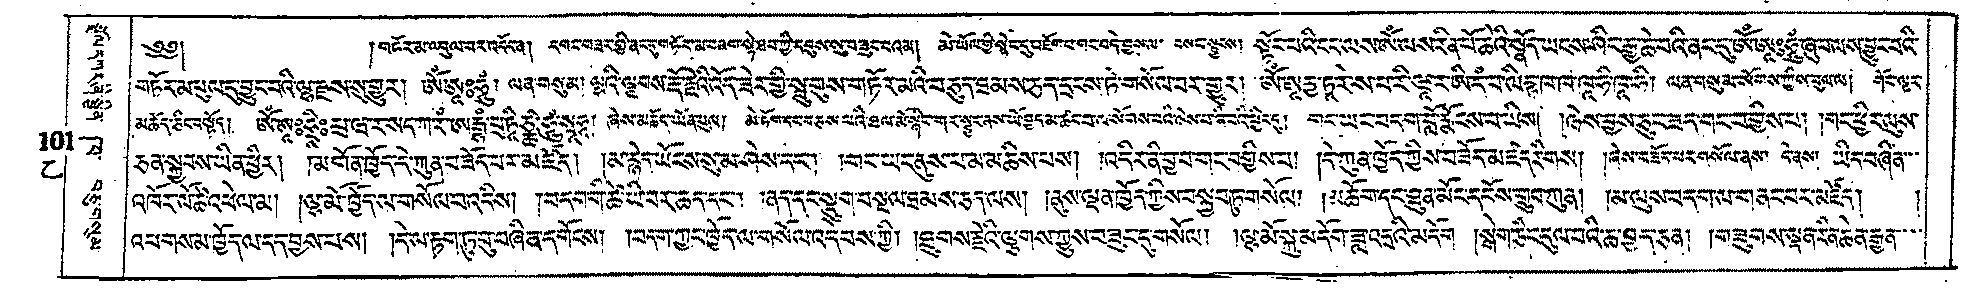༄༅། །གཏོར་མ་འབུལ་བར་འདོད་ན། དགང་གཟར་གྱི་ནང་དུ་གཏོར་མ་བཞག་སྟེ་ཐབས་ཀྱི་དབུས་སུ་བཟུང་བའམ། མེ་ཡོལ་གྱི་སྟེང་དུ་འཇོག་པ་གང་བདེ་བྱས་ལ། བསང་སྦྱངས།  སྟོང་པའི་ངང་ལས་ཨོཾ་ལས་རིན་པོ་ཆེའི་སྣོད་ཡངས་ཤིང་རྒྱ་ཆེ་བའི་ནང་དུ་ཨོཾ་ཨཱཿ ཧཱུཾ་ཞུ་བ་ལས་བྱུང་བའི་
གཏོར་མ་ཕུལ་དུ་བྱུང་བའི་ལྷ་རྫས་སུ་གྱུར། ཨོཾ་ཨཱཿ ཧཱུཾ། ལན་གསུམ།  ལྷའི་ལྗགས་རྡོ་རྗེའི་འོད་ཟེར་གྱི་སྦུ་གུས་གཏོར་མའི་བཅུད་ཐམས་ཅད་དྲངས་ཏེ་གསོལ་བར་གྱུར། ཨོཾ་ཨཱ་རྱ་ཏཱ་རེ་ས་པ་རི་ཝཱ་ར་ཡི་དཾ་བ་ལིངྟ་ཁ་ཁ་ཁཱ་ཧི་ཁཱ་ཧི། ལན་གསུམ་སོགས་ཀྱིས་ཕུལ་ལ། གོང་ལྟར་
མཆོད་ཅིང་བསྟོད། ཨོཾ་ཨཱཿ ཧྲཱིཿ པྲ་ཝ་ར་སད་ཀ་རཾ་ཨརྒྷཾ་པྲ་ཏཱི་ཙྪ་ཧཱུཾ་སྭཱ་ཧཱ། ཞེས་མཆོད་ཡོན་ཕུལ། མེ་ཏོག་དང་བཅས་པའི་ཐལ་མོ་སྙིང་གར་སྦྱར་ནས་ཡོ་བྱད་མ་ཚང་བ་ལ་སོགས་པའི་ཉེས་པ་ཞི་བའི་ཕྱིར་དུ།  གང་ཡང་བདག་བློ་རྨོངས་པ་ཡིས། །ཉེས་བྱས་ཆུང་ཅད་གང་བགྱིས་པ། །གང་ཕྱིར་ལུས་
ཅན་སྐྱབས་ཡིན་ཕྱིར། །མགོན་ཁྱོད་དེ་ཀུན་བཟོད་པར་མཛོད། །མ་རྙེད་ཡོངས་སུ་མ་ཤེས་དང་། །གང་ཡང་ནུས་པ་མ་མཆིས་པས། །འདིར་ནི་བྱ་བ་གང་བགྱིས་པ། །དེ་ཀུན་ཁྱོད་ཀྱིས་བཟོད་མཛད་རིགས། །ཞེས་བཟོད་པར་གསོལ་ནས། དེ་ནས།  ཡིད་བཞིན་་་
འཁོར་ལོ་ཚེ་འཕེལ་མ། །ལྷ་མོ་ཁྱོད་ལ་གསོལ་བ་འདིས། །བདག་གི་ཚེ་ཡི་བར་ཆད་དང་། །ནད་དང་སྡུག་བསྔལ་ཐམས་ཅད་ལས། །ནུས་ལྡན་ཁྱོད་ཀྱིས་བསྐྱབ་ཏུ་གསོལ། །མཆོད་དང་ཐུན་མོང་དངོས་གྲུབ་ཀུན། །མ་ལུས་བདག་ལ་གནང་བར་མཛོད། །
འཕགས་མ་ཁྱོད་ལ་དད་བྱས་པས། །དེ་ལ་རྟག་ཏུ་བུ་བཞིན་དགོངས། །བདག་ཀྱང་ཁྱོད་ལ་གསོལ་འདེབས་ཀྱི། །ཐུགས་རྗེའི་ལྕགས་ཀྱུས་བཟུང་དུ་གསོལ། །ལྷ་མོ་སྐུ་མདོག་ཟླ་འདྲིའི་མདོག །སྒེག་ཅིང་དུལ་བའི་ཆ་བྱད་ཅན། །གཟུགས་ལྡན་རིན་ཆེན་རྒྱན་་་